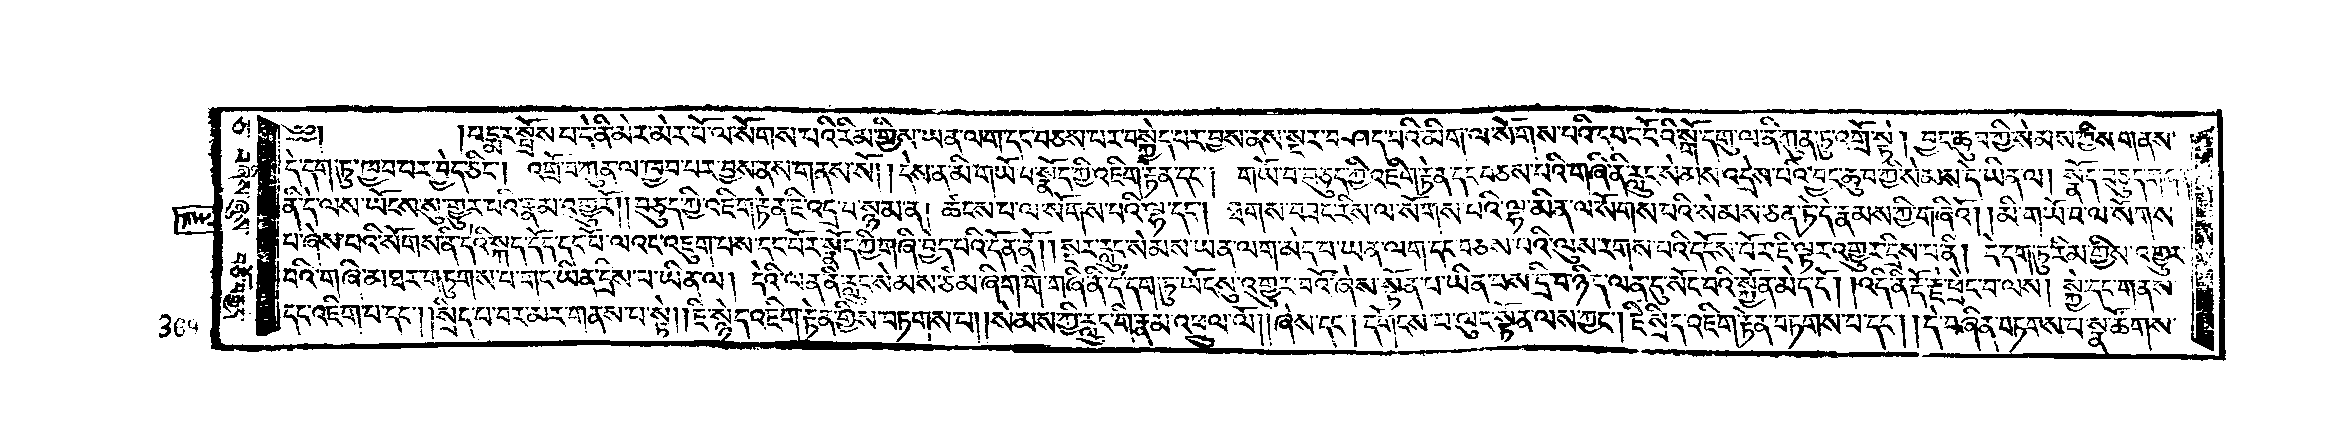༄༅། །པདམར་སྤྲོས་པ་དེ་ནི་མེར་མེར་པོ་ལ་སོགས་པའི་རིམ་གྱིས་ཡན་ལག་དང་བཅས་པར་བསྐྱེད་པར་བྱས་ནས་སྔར་བཤད་པའི་མིག་ལ་སོགས་པའི་དབང་པོའི་སྒོ་དགུ་ལ་ནི་ཀུན་ཏུ་འགྲོ་སྟེ། བྱང་ཆུབ་ཀྱི་སེམས་ཀྱིས་གནས་
དེ་དག་ཏུ་ཁྱབ་པར་བྱེད་ཅིང་། འགྲོ་བ་ཀུན་ལ་ཁྱབ་པར་བྱས་ནས་གནས་སོ། །དེས་ན་མི་གཡོ་བ་སྣོད་ཀྱི་འཇིག་རྟེན་དང་། གཡོ་བ་བཅུད་ཀྱི་འཇིག་རྟེན་དང་བཅས་པའི་གཞི་ནི་རླུང་སེམས་འདྲེས་པའི་བྱང་ཆུབ་ཀྱི་སེམས་དེ་ཡིན་ལ། སྣོད་བཅུད་གཞན་
ནི་དེ་ལས་ཡོངས་སུ་གྱུར་པའི་རྣམ་འགྱུར་རོ། །བཅུད་ཀྱི་འཇིག་རྟེན་ཇི་འདྲ་བ་སྙམ་ན། ཚངས་པ་ལ་སོགས་པའི་ལྷ་དང་། ཐགས་བཟང་རིས་ལ་སོགས་པའི་ལྷ་མིན་ལ་སོགས་པའི་སེམས་ཅན་ཏེ་དེ་རྣམས་ཀྱི་གཞིའོ། །མི་གཡོ་བ་ལ་སོགས་
པ་ཞེས་པའི་སོགས་ནི་དེའི་སྐད་དོད་དང་པོ་ལའང་འཇུག་པས་དང་པོར་སྣོད་ཀྱི་གཞི་བྱེད་པའི་དོན་ནོ། །སྔར་རླུང་སེམས་ཡན་ལག་མེད་པ་ཡན་ལག་དང་བཅས་པའི་ལུས་རགས་པའི་དངོས་པོར་ཇི་ལྟར་འགྱུར་དྲིས་པ་ནི། དེ་དག་ཏུ་རིམ་གྱིས་འགྱུར་
བའི་གཞི་མཐར་གཏུགས་པ་གང་ཡིན་དྲིས་པ་ཡིན་ལ། དེའི་ལན་ནི་རླུང་སེམས་ཙམ་ཞིག་གི་གཞི་ནི་དེ་དག་ཏུ་ཡོངས་སུ་འགྱུར་བའོ་ཞེས་སྟོན་པ་ཡིན་པས་དྲི་བ་ཉིད་ལན་དུ་སོང་བའི་སྐྱོན་མེད་དོ། །འདི་ནི་རྡོ་རྗེ་ཕྲེང་བ་ལས། སྐྱེ་དང་གནས་
དང་འཇིག་པ་དང་། །སྲིད་པ་བར་མར་གནས་པ་སྟེ། །ཇི་སྙེད་འཇིག་རྟེན་གྱིས་བཏགས་པ། །སེམས་ཀྱི་རླུང་གི་རྣམ་འཕྲུལ་ལོ། །ཞེས་དང་། དགོངས་པ་ལུང་སྟོན་ལས་ཀྱང་།ཇི་སྲིད་འཇིག་རྟེན་བཏགས་པ་དང་། །དེ་བཞིན་བཏགས་པ་སྣ་ཚོགས་